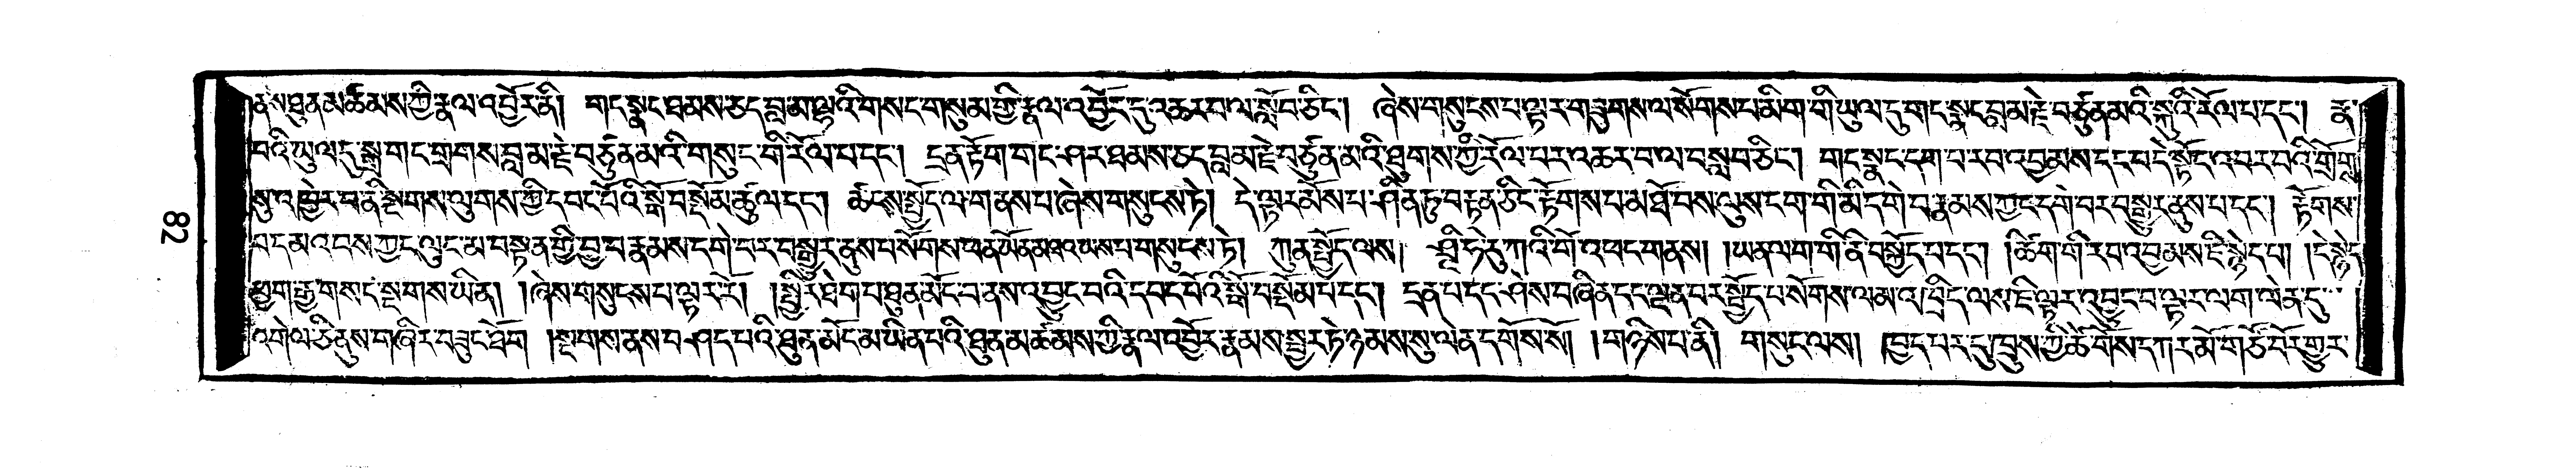ནས་ཐུན་མཚམས་ཀྱི་རྣལ་འབྱོར་ནི། གང་སྣང་ཐམས་ཅད་བླ་མ་ལྷའི་གསང་གསུམ་གྱི་རྣལ་འབྱོར་དུ་འཆར་བ་ལ་སློབ་ཅིང་། ཞེས་གསུངས་པ་ལྟར་གཟུགས་ལ་སོགས་པ་མིག་གི་ཡུལ་དུ་གང་སྣང་བླ་མ་རྗེ་བཙུན་མའི་སྐུའི་རོལ་བ་དང་། རྣ་
བའི་ཡུལ་དུ་སྒྲ་གང་གྲག་བླ་མ་རྗེ་བཙུན་མའི་གསུང་གི་རོལ་བ་དང་། དྲན་རྟོག་གང་ཤར་ཐམས་ཅད་བླ་མ་རྗེ་བཙུན་མའི་ཐུགས་ཀྱི་རོལ་པར་འཆར་བ་ལ་བསླབ་ཅིང་། གང་སྣང་དག་པར་བ་འབྱམས་དང་བདེ་སྟོང་འབར་བའི་གྲོགས་
སུ་འཁྱེར་བ་ནི་སྔགས་ལུགས་ཀྱི་དབང་པོའི་སྒོ་བསྡོ་མ་ཚུལ་དང་། ཚངས་སྤྱོད་ལ་གནས་པ་ཞེས་གསུངས་ཏེ། དེ་ལྟར་མོས་པ་ཤིན་ཏུ་བརྟན་ཅིང་རྟོགས་པ་མཐོ་བས་ལུས་ངག་གི་མི་དགེ་པ་རྣམས་ཀྱང་དགེ་བར་བསྒྱུར་ནུས་པ་དང་། རྟོགས་
བ་དམའ་བས་ཀྱང་ལུང་མ་བསྟན་གྱི་བྱ་བ་རྣམས་དགེ་བར་བསྒྱུར་ནུས་པ་སོགས་ཕན་ཡོན་མཐའ་ཡས་པ་གསུངས་ཏེ། ཀུན་སྤྱོད་ལས། ཤྲཱི་ཧེ་རུ་ཀའི་གོ་འཕང་གནས། །ཡན་ལག་གི་ནི་བསྐྱོང་པ་དང་། །ཚིག་གི་རབ་འབྱམས་ཇི་སྙེད་པ། །དེ་སྙེད་
ཕྱག་རྒྱ་གསང་སྔགས་ཡིན། །ཞེས་གསུངས་པ་ལྟར་རོ། །སྤྱིར་ཐེག་པ་ཐུན་མོང་བ་ནས་འབྱུང་བའི་དབང་པོའི་སྒོ་བསྡོམ་པ་དང་། དྲན་པ་དང་ཤེས་བཞིན་དང་ལྡན་པར་སྤྱོད་པ་སོགས་ལམ་འཁྲིད་ལས་ཇི་ལྟར་འབྱུང་བ་ལྟར་ལག་ལེན་དུ་
འགེལ་ཅི་ནུས་གཞིར་བཟུང་ཐོག །སྔགས་ནས་བཤད་པའི་ཐུན་མོང་མ་ཡིན་པའི་ཐུན་མཚམས་ཀྱི་རྣལ་འབྱོར་རྣམས་སྦྱར་ཏེ་ཉམས་སུ་ལེན་དགོས་སོ། །གཉིས་པ་ནི། གསུང་ལས། ཁྱད་པར་དུ་ཁྲུས་ཀྱི་ཚེ་གོས་དཀར་མོ་གཙོ་བོར་གྱུར་